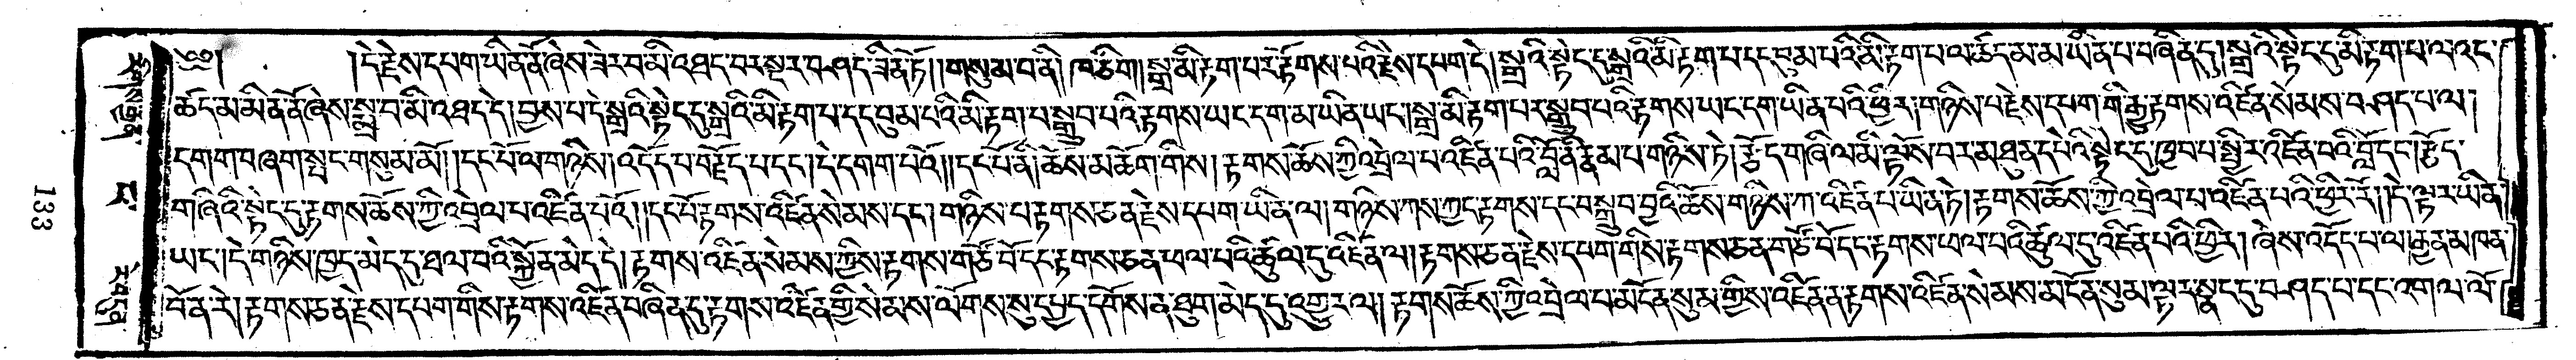༄༅། །དེ་རྗེས་དཔག་ཡིན་ནོ་ཞེས་ཟེར་བ་མི་འཐད་པར་སྔར་བཤད་ཟིན་ཏོ། །གསུམ་པ་ནི། ཁ་ཅིག །སྒྲ་མི་རྟག་པར་རྟོགས་པའི་རྗེས་དཔག་དེ། སྒྲའི་སྟེང་དུ་སྒྲའི་མི་རྟག་པ་དང་བུམ་པའི་མི་རྟག་པ་ལ་ཚད་མ་མ་ཡིན་པ་བཞིན་དུ། སྒྲའི་སྟེང་དུ་མི་རྟག་པ་ལའང་
ཚད་མ་མིན་ནོ་ཞེས་སྨྲ་བ་མི་འཐད་དེ། བྱས་པ་དེ་སྒྲའི་སྟེང་དུ་སྒྲའི་མི་རྟག་པ་དང་བུམ་པའི་མི་རྟག་པ་སྒྲུབ་པའི་རྟགས་ཡང་དག་མ་ཡིན་ཡང་། སྒྲ་མི་རྟག་པར་སྒྲུབ་པའི་རྟགས་ཡང་དག་ཡིན་པའི་ཕྱིར། གཉིས་པ་རྗེས་དཔག་གི་རྒྱུ་རྟགས་འཛིན་སེམས་བཤད་པ་ལ།
དགག་བཞག་སྤང་གསུམ་མོ། །དང་པོ་ལ་གཉིས། འདོད་པ་བརྗོད་པ་དང་། དེ་དགག་པའོ། །དང་པོ་ནི། ཆོས་མཆོག་གིས། རྟགས་ཆོས་ཀྱི་འབྲེལ་པ་འཛིན་པའི་བློ་ནི་རྣམ་པ་གཉིས་ཏེ། རྩོད་གཞི་ལ་མི་ལྟོས་པར་མཐུན་དཔེའི་སྟེང་དུ་ཁྱབ་པ་སྤྱིར་འཛིན་པའི་བློ་དང་། རྩོད་
གཞིའི་སྟེང་དུ་རྟགས་ཆོས་ཀྱི་འབྲེལ་པ་འཛིན་པའོ། །དང་པོ་རྟགས་འཛིན་སེམས་དང་། གཉིས་པ་རྟགས་ཅན་རྗེས་དཔག་ཡིན་ལ། གཉིས་ཀས་ཀྱང་རྟགས་དང་བསྒྲུབ་བྱའི་ཆོས་གཉིས་ཀ་འཛིན་པ་ཡིན་ཏེ། རྟགས་ཆོས་ཀྱི་འབྲེལ་པ་འཛིན་པའི་ཕྱིར་རོ། །དེ་ལྟར་ཡིན་
ཡང་། དེ་གཉིས་ཁྱད་མེད་དུ་ཐལ་བའི་སྐྱོན་མེད་དེ། རྟགས་འཛིན་སེམས་ཀྱིས་རྟགས་གཙོ་བོ་དང་རྟགས་ཅན་ཕལ་བའི་ཚུལ་དུ་འཛིན་ལ། རྟགས་ཅན་རྗེས་དཔག་གིས་རྟགས་ཅན་གཙོ་བོ་དང་རྟགས་ཕལ་པའི་ཚུལ་དུ་འཛིན་པའི་ཕྱིར། ཞེས་འདོད་པ་ལ། རྒྱན་མཁན་
པོ་ན་རེ། རྟགས་ཅན་རྗེས་དཔག་གིས་རྟགས་འཛིན་བཞིན་དུ་རྟགས་འཛིན་གྱི་སེམས་ལོགས་སུ་དཔྱད་དགོས་ན་ཐུག་མེད་དུ་འགྱུར་ལ། རྟགས་ཆོས་ཀྱི་འབྲེལ་པ་མངོན་སུམ་གྱིས་འཛིན་ན་རྟགས་འཛིན་སེམས་མངོན་སུམ་ལྟར་སྣང་དུ་བཤད་པ་དང་འགལ་ལོ།